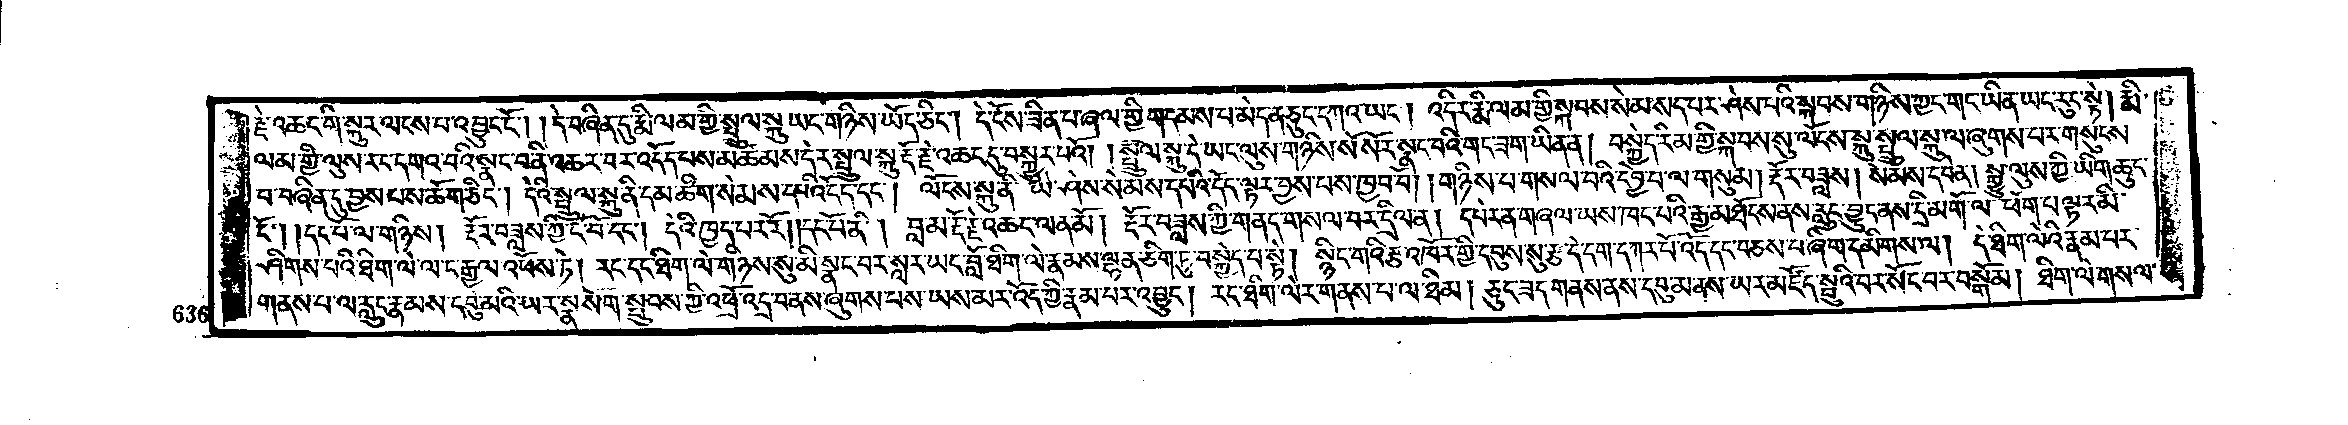རྗེ་འཆང་གི་སྐུར་ལངས་བ་འབྱུང་ངོ། །དེ་བཞིན་དུ་རྨི་ལམ་གྱི་སྤྲུལ་སྐུ་ཡང་གཉིས་ཡོད་ཅིང་། དེ་ངོས་ཟིན་པ་ཞལ་གྱི་གདམས་པ་མེད་ན་ཅུང་དཀའ་ཡང་། འདིར་རྨི་ལམ་གྱི་སྐབས་སམ་སད་པར་ཤེས་པའི་སྐབས་གཉིས་ཀྱང་གང་ཡིན་ཡང་རུང་སྟེ། རྨི་
ལམ་གྱི་ལུས་རང་དགའ་བའི་སྣང་བ་ནི་འཆར་བར་འདོད་པས་མཚམས་དེར་སྤྲུལ་སྐུ་རྡོ་རྗེ་འཆང་དུ་བསྒྱུར་བའོ། །སྤྲུལ་སྐུ་དེ་ཡང་ལུས་གཉིས་སོ་སོར་སྣང་བའི་གང་ཟག་ཡིན་ན། བསྐྱེད་རིམ་གྱི་སྐབས་སུ་ལོངས་སྐུ་སྤྲུལ་སྐུ་ལ་ཞུགས་པར་གསུངས་
བ་བཞིན་དུ་བྱས་པས་ཆོག་ཅིང་། དེའི་སྤྲུལ་སྐུ་ནི་དམ་ཚིག་སེམས་དཔའི་དོད་དང་། ལོངས་སྐུ་ནི་ཡེ་ཤེས་སེམས་དཔའི་དོད་ལྟར་བྱས་པས་ཁྱབ་བོ། །གཉིས་པ་གསལ་བའི་དབྱེ་བ་ལ་གསུམ། རྡོར་བཟླས། སེམས་དབེན། སྒྱུ་ལུས་ཀྱི་ཡིག་ཆུང་
དོ། །དང་པོ་ལ་གཉིས། རྡོར་བཟླས་ཀྱི་ངོ་བོ་དང་། དེའི་ཁྱད་པར་རོ། །དང་པོ་ནི། བླ་མ་རྡོ་རྗེ་འཆང་ལན་མོ། རྡོར་བཟླས་ཀྱི་གནད་གསལ་བར་དྲིལ་ན། དཔེར་ན་གཞལ་ཡས་ཁང་པའི་རྒྱ་མཐོངས་ནས་རླུང་བྱུང་ནས་དྲི་མགོ་ལ་ཕོག་པ་ལྟར་མི་
ཤིགས་པའི་ཐིག་ལེ་ལ་ང་རྒྱལ་འཕོས་ཏེ། རང་དང་ཐིག་ལེ་གཉིས་སུ་མི་སྣང་བར་སླར་ཡང་བློ་ཐིག་ལེ་རྣམས་ལྷན་ཅིག་ཏུ་བསྐྱེད་པ་སྟེ། སྙིང་གའི་རྩ་འཁོར་གྱི་དབུས་སུ་རྩ་དེ་དག་དཀར་པོ་འོད་དང་བཅས་པ་ཞིག་དམིགས་ལ། དེ་ཐིག་ལེའི་རྣམ་པར་
གནས་པ་ལ་རང་རྣམས་དབུ་མའི་ཡར་སྣ་སོག་སྤུབས་ཀྱི་འཕྲོ་འདྲ་བ་ནས་ཞུགས་པས་ཡས་མར་འོད་ཀྱི་རྣམ་པར་འབྱུང་། རང་ཐིག་ལེར་གནས་པ་ལ་ཐིམ། ཅུང་ཟད་གནས་ནས་དབུ་མ་ནས་ཡར་མཛོད་སྤུའི་བར་སོང་བར་བསྒོམ། ཐིག་ལེ་གསལ་